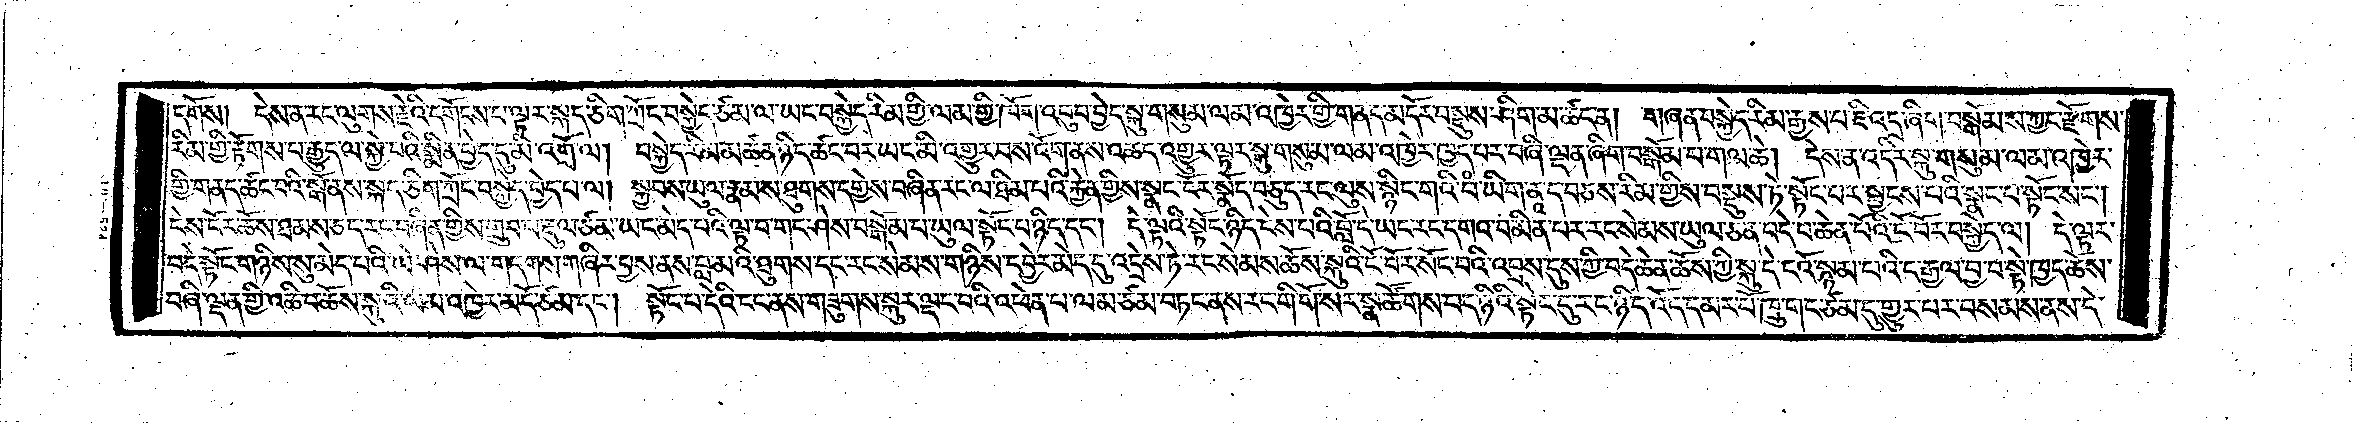དགོས། དེས་ན་རང་ལུགས་རྗེའི་དགོངས་པ་ལྟར་སྐད་ཅིག་ཀྲོང་བསྐྱེད་ཙམ་ལ་ཡང་བསྐྱེད་རིམ་གྱི་ལམ་གྱི་ཁོག་འབུབ་བྱེད་སྐུ་གསུམ་ལམ་འཁྱེར་གྱི་གནད་མདོར་བསྡུས་ཤིག་མ་ཚང་ན། གཞན་བསྐྱེད་རིམ་རྒྱས་པ་ཇི་འདྲ་ཞིག་བསྒོམས་ཀྱང་རྫོགས་
རིམ་གྱི་རྟོགས་པ་རྒྱུད་ལ་སྐྱེ་བའི་སྨིན་བྱེད་དུ་མི་འགྲོ་ལ། བསྐྱེད་རིམ་མཚན་ཉིད་ཚང་བར་ཡང་མི་འགྱུར་བས་འོག་ནས་འཆད་འགྱུར་ལྟར་སྐུ་གསུམ་ལམ་འཁྱེར་ཁྱད་པར་བཞི་ལྡན་ཞིག་བསྒོམ་པ་གལ་ཆེ། དེས་ན་འདིར་སྐུ་གསུམ་ལམ་འཁྱེར་
གྱི་གནད་ཚང་བའི་སྒོ་ནས་སྐད་ཅིག་ཀྲོང་བསྐྱེད་བྱེད་པ་ལ། སྐྱབས་ཡུལ་རྣམས་ཐུགས་དགྱེས་བཞིན་རང་ལ་ཐིམ་པའི་རྐྱེན་གྱིས་སྣང་ངོར་སྣོད་བཅུད་རང་ལུས་སྙིང་གའི་བཾ་ཡིག་ནཱ་ད་བཅས་རིམ་གྱིས་བསྡུས་ཏེ་སྟོང་པར་སྦྱངས་པའི་སྣང་བ་སྟོང་སང་།
ངེས་ངོར་ཆོས་ཐམས་ཅད་རང་བཞིན་གྱིས་གྲུབ་བརྡུལ་ཙམ་ཡང་མེད་བའི་ལྟ་བ་གང་ཤེས་བསྒོམ་པ་ཡུལ་སྟོང་བ་ཉིད་དང་། དེ་ལྟའི་སྟོང་ཉིད་ངེས་པའི་བློ་དེ་ཡང་རང་དགའ་བ་མིན་པར་རང་སེམས་ཡུལ་ཅན་བདེ་བ་ཆེན་པོའི་ངོ་བོར་བསྐྱེད་ལ། དེ་ལྟར་
བདེ་སྟོང་གཉིས་སུ་མེད་པའི་ཡེ་ཤེས་ལ་གདགས་གཞིར་བྱས་ནས་བླ་མའི་ཐུགས་དང་རང་སེམས་གཉིས་དབྱེར་མེད་དུ་འདྲེས་ཏེ་རང་སེམས་ཆོས་སྐུའི་ངོ་བོར་སོང་བའི་འབྲས་དུས་ཀྱི་བདེ་ཆེན་ཆོས་ཀྱི་སྐུ་དེ་ངའོ་སྙམ་པའི་ང་རྒྱལ་བྱ་བ་སྟེ་ཁྱད་ཆོས་
བཞི་ལྡན་གྱི་འཆི་བ་ཆོས་སྐུའི་ལམ་འཁྱེར་མདོ་ཙམ་དང་། སྟོང་པ་དེའི་ངང་ནས་གཟུགས་སྐུར་ལྡང་བའི་འཕེན་པ་ལམ་ཙམ་བཏང་ནས་རང་གི་གོ་སར་སྣ་ཚོགས་པད་ཉིའི་སྟེང་དུ་རང་ཉིད་འོད་དམར་པོ་ཁྲུ་གང་ཙམ་དུ་གྱུར་པར་བསམས་ནས་དེ་